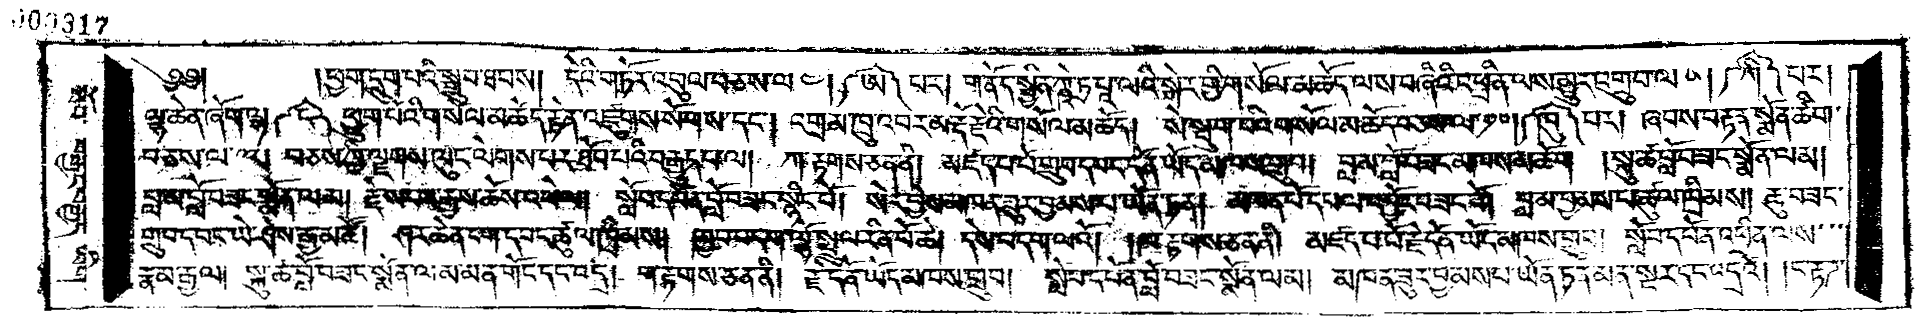༄༅། །ཕྱག་དྲུག་པའི་སྒྲུབ་ཐབས། དེའི་གཏོར་འབུལ་བཅས་ལ ༤། ༼ཨ༽ པར། གནོད་སྦྱིན་ཀྵེ་ཏྲ་པཱ་ལའི་སྒེར་གྱི་གསོལ་མཆོད་ལས་བཞིའི་འཕྲིན་ལས་མྱུར་འགྲུབ་ལ ༦། ༼ཀི༽ པར།
ལྷ་ཆེན་ཞོག་ལྷ ༼ང༽ ཕྱུག་པོའི་གསོལ་མཆོད་རྟེན་འཛུགས་སོགས་དང་། འགྲམ་ཁྲུ་འབར་མ་རྡོ་རྗེའི་གསོལ་མཆོད། སེ་སྤུག་པའི་གསོལ་མཆོད་བཅས་ལ ༡༠། ༼ཁུ༽ པར། ཞབས་བརྟན་སྨོན་ཚིག་
བཅས་ལ ༣། བཅས་ཀྱི་ལྗགས་ལུང་ལེགས་པར་ཐོབ་པའི་བརྒྱུད་པ་ལ། ཀ་རྟགས་ཅན་ནི། མཛད་པ་པོ་གྲུབ་དབང་དོན་ཡོད་མཁས་གྲུབ། བླ་མ་བློ་བཟང་མཁས་མཆོག །སྐུ་ཚ་བློ་བཟང་སྨོན་ལམ།
བླ་མ་བློ་བཟང་སྨོན་ལམ། རྗེ་སངས་རྒྱས་ཆོས་འཕེལ། སློབ་དཔོན་བློ་བཟང་སྙིང་པོ། སེར་བྱེས་མཁན་ཟུར་བྱམས་པ་ཡོན་ཏན། མཁན་པོ་དཔལ་འབྱོར་བཟང་པོ། བླ་མ་བྱམས་པ་ཚུལ་ཁྲིམས། ཆུ་བཟང་
གྲུབ་དབང་ཡེ་ཤེས་རྒྱ་མཚོ། ཤར་ཆེན་ངག་དབང་ཚུལ་ཁྲིམས། ཁྱབ་བདག་ལྷོ་སྤྲུལ་རིན་པོ་ཆེ། དེས་བདག་ལའོ། །ཁ་རྟགས་ཅན་ནི། མཛད་པ་པོ་རྗེ་དོན་ཡོད་མཁས་གྲུབ། སློབ་དཔོན་འཕྲིན་ལས་
རྣམ་རྒྱལ། སྐུ་ཚ་བློ་བཟང་སྨོན་ལམ་མན་གོང་དང་འདྲ། ག་རྟགས་ཅན་ནི། རྗེ་དོན་ཡོད་མཁས་གྲུབ། སློབ་དཔོན་བློ་བཟང་སྨོན་ལམ། མཁན་ཟུར་བྱམས་པ་ཡོན་ཏན་མན་སྔར་དང་འདྲའོ། །ང་རྟཌ་